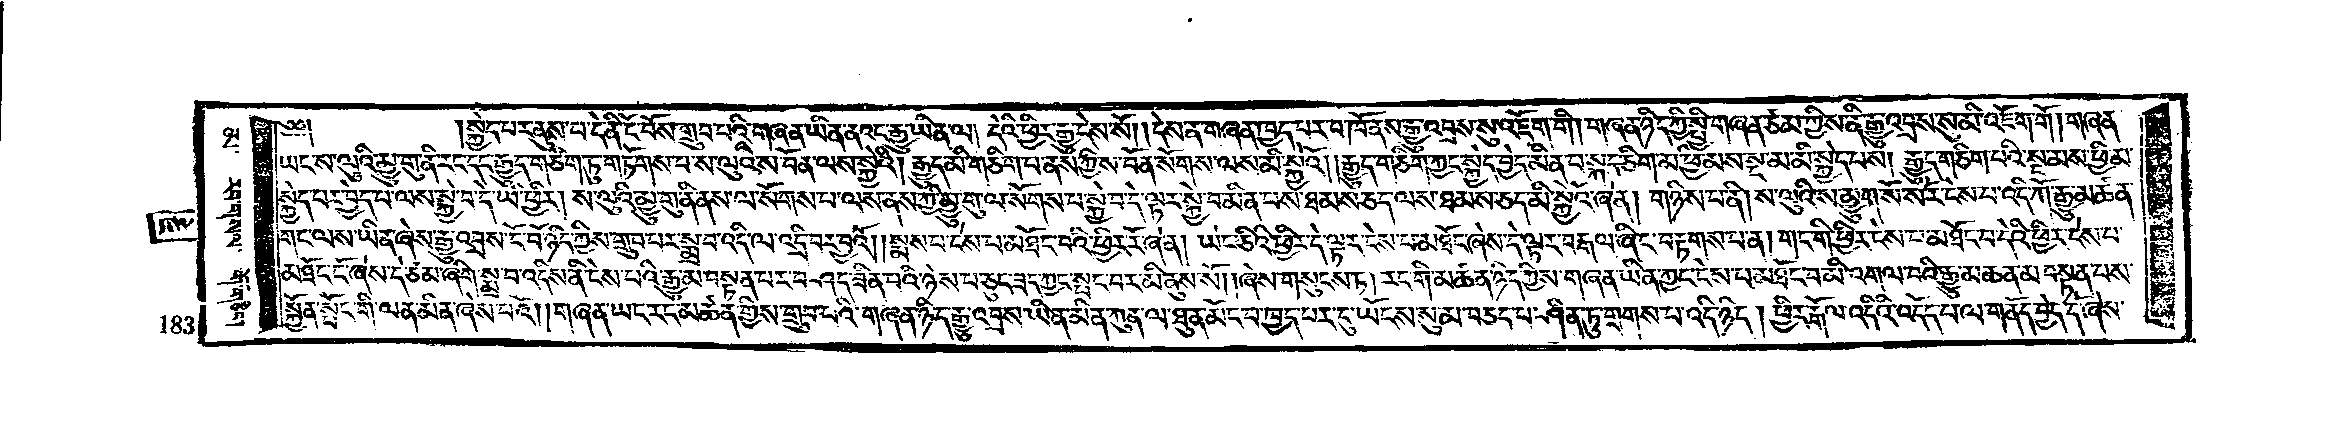༄༅། །སྐྱེད་པར་ནུས་པ་དེ་ནི་ངོ་བོས་གྲུབ་པའི་གཞན་ཡིན་ནའང་རྒྱུ་ཡིན་ལ། དེའི་ཕྱིར་རྒྱུ་ངེས་སོ། །དེས་ན་གཞན་ཁྱད་པར་བ་ཁོ་ནས་རྒྱུ་འབྲས་སུ་འཇོག་གི །གཞན་ཉིད་ཀྱི་སྤྱི་གཞན་ཙམ་གྱིས་ནི་རྒྱུ་འབྲས་སུ་མི་འཇོག་གོ །གཞན་
ཡང་ས་ལུའི་མྱུ་གུ་ནི་རང་དང་རྒྱུད་གཅིག་ཏུ་གཏོགས་པ་ས་ལུའི་ས་བོན་ལས་སྐྱེའི། རྒྱུད་མི་གཅིག་པ་ནས་ཀྱི་ས་བོན་སོགས་ལས་མི་སྐྱེའོ། །རྒྱུད་གཅིག་ཀྱང་སྐྱེད་བྱེད་མིན་བ་སྐད་ཅིག་མ་ཕྱི་མས་སྔ་མ་མི་སྐྱེད་པས། རྒྱུད་གཅིག་པའི་སྔ་མས་ཕྱི་མ་
སྐྱེད་པར་བྱེད་པ་ལས་སྐྱེ་བ་དེ་ཡི་ཕྱིར། ས་ལུའི་མྱུ་གུ་ནི་ནས་ལ་སོགས་པ་ལས་ནས་ཀྱི་མྱུ་གུ་ལ་སོགས་པ་སྐྱེ་བ་དེ་ལྟར་སྐྱེ་བ་མིན་པས་ཐམས་ཅད་ལས་ཐམས་ཅད་མི་སྐྱེའོ་ཞེ་ན། གཉིས་པ་ནི། ས་ལུའི་ས་མྱུག་སོ་སོར་ངེས་པ་འདི་ཀོ་རྒྱུ་མཚན་
གང་ལས་ཡིན་ཞེས་རྒྱུ་འབྲས་ངོ་བོ་ཉིད་ཀྱིས་གྲུབ་པར་སྨྲ་བ་འདི་ལ་འདྲི་བར་བྱའོ། །སྨས་པ་ངེས་པ་མཐོང་བའི་ཕྱིར་རོ་ཞེ་ན། ཡང་ཅིའི་ཕྱིར་དེ་ལྟར་ངེས་པ་མཐོང་ཞེས་དེ་ལྟར་བརྒལ་ཞིང་བརྟགས་པ་ན། གང་གི་ཕྱིར་ངེས་པ་མཐོང་བ་དེའི་ཕྱིར་ངེས་པ་
མཐོང་ངོ་ཞེས་དེ་ཙམ་ཞིག་སྨྲ་བ་འདིས་ནི་ངེས་པའི་རྒྱུ་མ་བསྟན་པར་བཤད་ཟིན་པའི་ཉེས་པ་ཅུང་ཟད་ཀྱང་སྤང་བར་མི་ནུས་སོ། །ཞེས་གསུངས་ཏེ། རང་གི་མཚན་ཉིད་ཀྱིས་གཞན་ཡིན་ཀྱང་ངེས་པ་མཐོང་བ་མི་འགལ་བའི་རྒྱུ་མཚན་མ་བསྟན་པས་
སྐྱོན་སྤོང་གི་ལན་མིན་ཞེས་པའོ། །གཞན་ཡང་རང་མཚན་གྱིས་གྲུབ་པའི་གཞན་ཉིད་རྒྱུ་འབྲས་ཡིན་མིན་ཀུན་ལ་ཐུན་མོང་བ་ཁྱད་པར་དུ་ཡོངས་སུ་མ་བཅད་པ་ཤིན་ཏུ་གྲགས་པ་འདི་ཉིད། ཕྱིར་རྒོལ་འདིའི་འདོད་པ་ལ་གནོད་བྱེད་དོ་ཞེས་